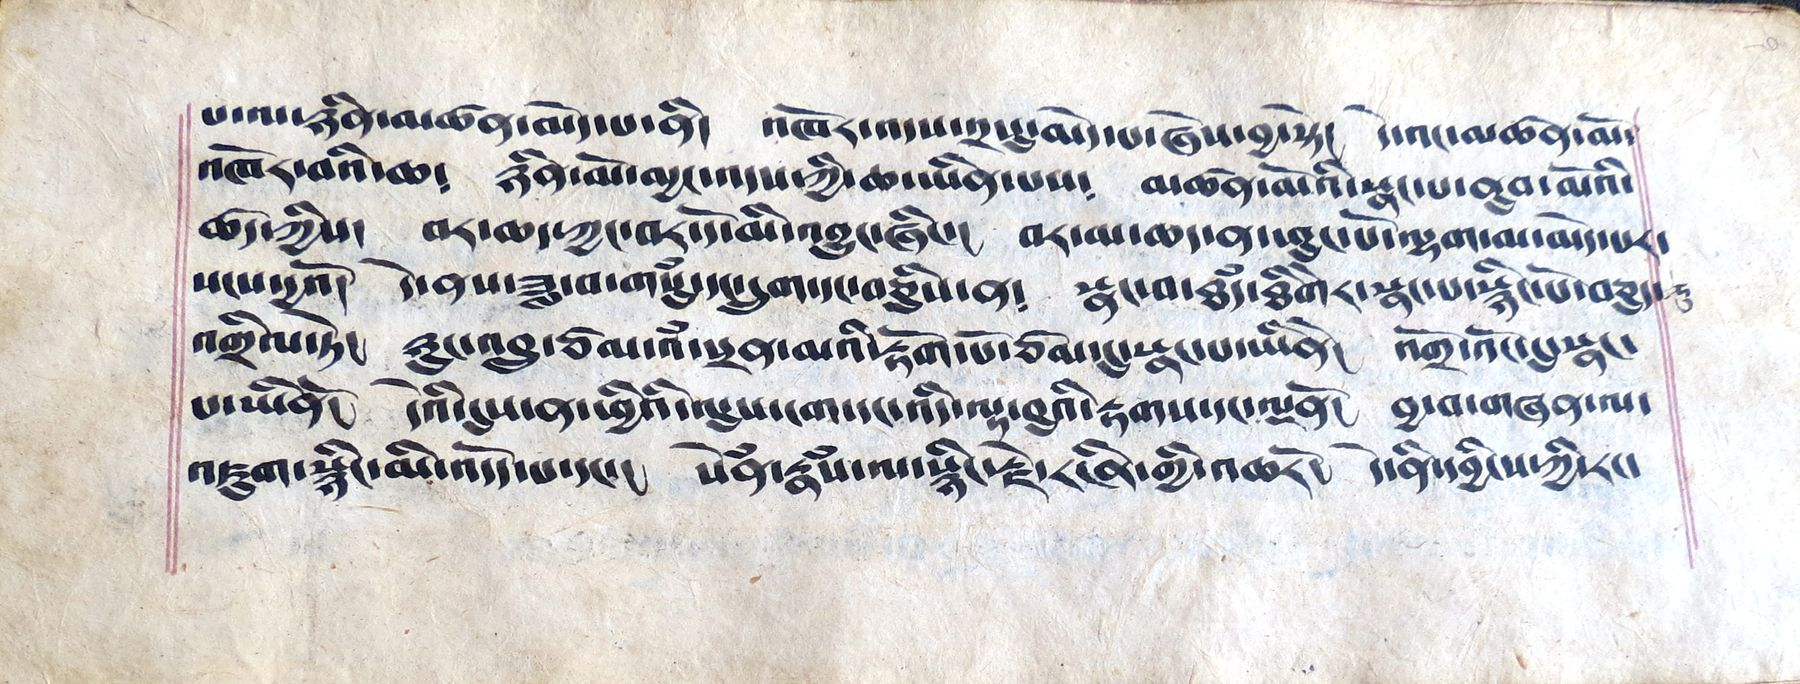པ་ལ་ཉིན་མཚན་མེད་པ་ནི། འཁོར་འདས་གཉིས་སུ་མེད་པ་ཞེས་བྱ་སྟེ། དེ་ཡང་མཚན་མོ་
འཁོར་བའི་ཆ། ཉིན་མོ་མྱང་འདས་ཀྱི་ཆ་ཡིན་པས། མཚན་མོའི་སྣང་བ་ནུབ་པའི་
ཚད་ཀྱིས། བར་ཆད་ཀྱང་བར་དོ་མི་འབྱུང་ཞིང་། བར་མ་ཆད་ན་ལོ་ལྔ་ནས་ཕུང་པོ་ལྷག་མ་མེད་པར་
སངས་རྒྱའོ། །དེ་ནས་ཟླ་བ་གསུམ་དང་དྲུག་དང་བཅུ་གཉིས་ན། སྣང་བ་ཐམས་ཅད་ཐིག་ལེར་སྣང་བ། སྙིང་པོ་བཅུད་དུ་
འདྲིལ་བ་ཡིན་ཏེ། ཉུངས་འབྲུ་ཙམ་མམ། སྲན་མའི་རྡོག་པོ་ཙམ་དུ་སྣང་བ་སྟེ། འགྲོ་འོང་དུ་སྣང་
བ་ཡིན་ནོ། །དེ་ལྟ་བུའི་ཚེ་ན་ཕྱིའི་ལུས་ངག་ཀྱང་འདི་ལྟ་བུའི་རྟགས་དང་ལྡན་ནོ། །བྱ་བ་གཞན་ལ་
འཇུག་སྙིང་མི་འདོད་པ་དང་། སེམས་ཅན་རྣམས་ལ་སྙིང་རྗེ་རང་བཞིན་གྱིས་འཆར་རོ། །དེ་ནི་དབྱིངས་ཀྱི་རང་